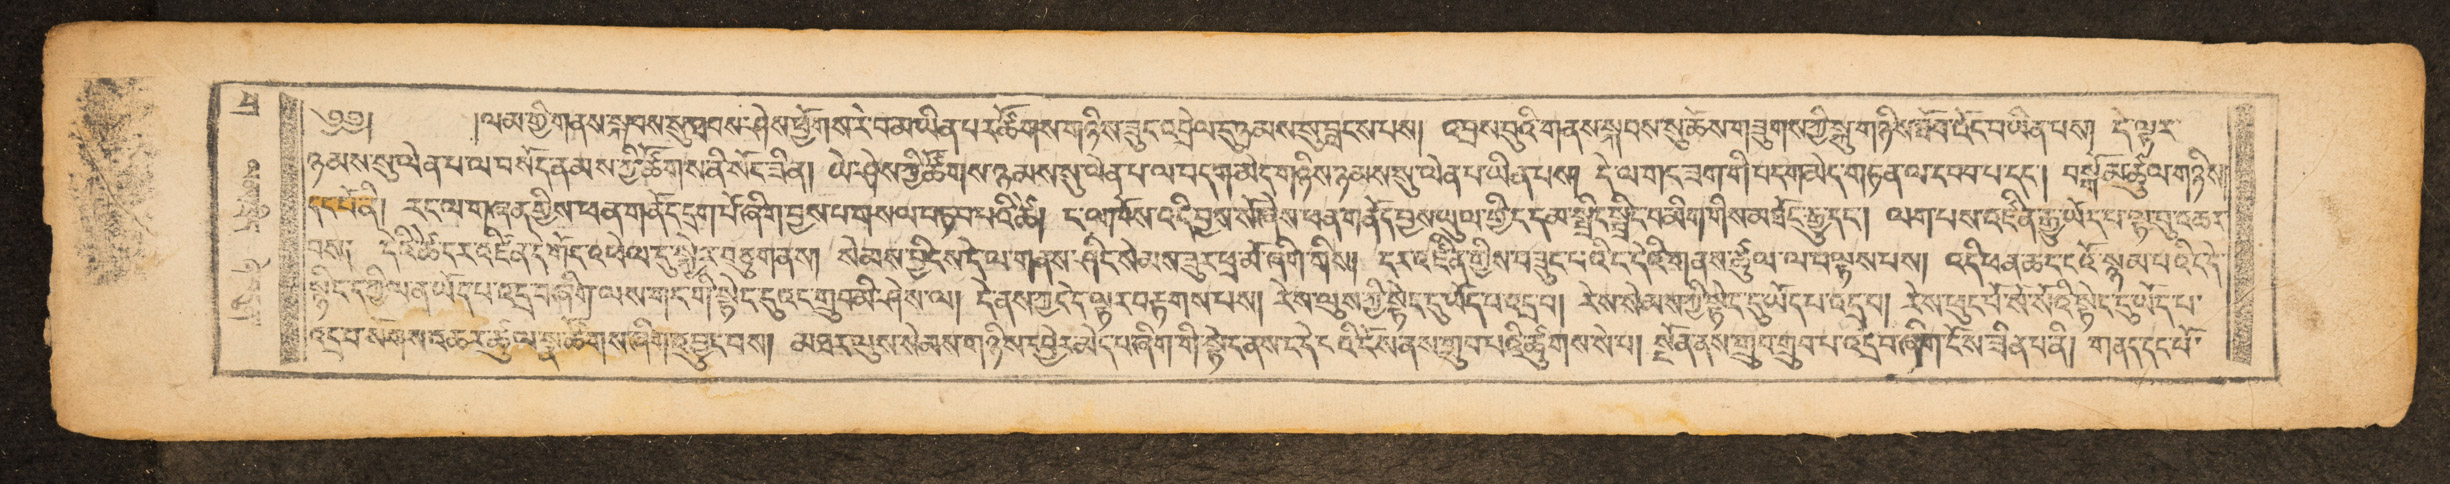༄༅། །ལམ་གྱི་གནས་སྐབས་སུ་ཐབས་ཤེས་ཕྱོགས་རེ་བ་མ་ཡིན་པར་ཚོགས་གཉིས་ཟུང་འབྲེལ་དུ་ཉམས་སུ་བླངས་པས། འབྲས་དུའི་གནས་སྐབས་སུ་ཆོས་གཟུགས་ཀྱི་སྐུ་གཉིས་ཐོབ་འོང་བ་ཡིན་པས། དེ་ལྟར་
ཉམས་སུ་ལེན་པ་ལ་བསོད་ནམས་ཀྱི་ཚོགས་ནི་སོང་ཟིན། ཡེ་ཤེས་ཀྱི་ཚོགས་ཉམས་སུ་ལེན་པ་ལ་བདག་མེད་གཉིས་ཉམས་སུ་ལེན་པ་ཡིན་པས། དེ་ལ་གང་ཟག་གི་བདག་མེད་གཏན་ལ་དབབ་པ་དང་། བསྒོམ་ཚུལ་གཉིས་
དང་པོ་ནི༑ རང་ལ་གཞན་གྱིས་ཕན་གནོད་དྲག་པོ་ཞིག་བྱས་པ་གསལ་བཏབ་པའི་ཚེ། ང་ལ་ཁོས་འདི་བྱས་སོ་ཞེས་ཕན་གནོད་བྱས་ཡུལ་གྱི་ང་དམ་སྦྲིང་སྦྲིང་བ་མིག་གིས་མཐོང་རྒྱུ་དང་། ལག་པས་འཛིན་རྒྱུ་ཡོད་པ་ལྟ་བུ་འཆར་
བས༑ དེའི་ཚེ་ངར་འཛིན་དེ་གོང་འཕེལ་དུ་སྐྱེར་བཅུག་ནས། སེམས་བྱིངས་དེ་ལ་གནས་ཤིང་སེམས་ཟུར་ཕྲ་མོ་ཞིག་གིས། དར་འཛིན་གྱིས་བཟུང་པའི་ང་དེའི་གནས་ཚུལ་ལ་བལྟས་པས། འདི་ཕན་ཆད་ངའོ་སྙམ་པའི་འདི་
སྙིང་དཀྱིལ་ན་ཡོད་པ་འདྲ་བ་ཞིག་ལས་གང་གི་སྟེང་དུའང་གྲུབ་མི་ཤེས་ལ། དེ་ནས་ཀྱང་དེ་ལྟར་བརྟགས་པས། རེས་ལུས་ཀྱི་སྟེང་དུ་ཡོད་པ་འདྲ་བ། རེས་སེམས་ཀྱི་སྟེང་དུ་ཡོད་པ་འདྲ་བ། རེས་ཕུང་པོ་སོ་སོའི་སྟེང་དུ་ཡོད་པ་
འདྲ་བ་སོགས་འཆར་ཚུལ་སྣ་ཚོགས་ཞིག་འབྱུང་བས། མཐར་ལུས་སེམས་གཉིས་དབྱེར་མེད་པ་ཞིག་གི་སྟེང་ནས་ང་དེ་ངའི་ངོས་ནས་གྲུབ་པའི་ཚུགས་སེ་པ། སྔོན་ནས་གྲུབ་གྲུབ་པ་འདྲ་བ་ཞིག་ངོས་ཟིན་པ་ནི། གནད་དང་པོ་